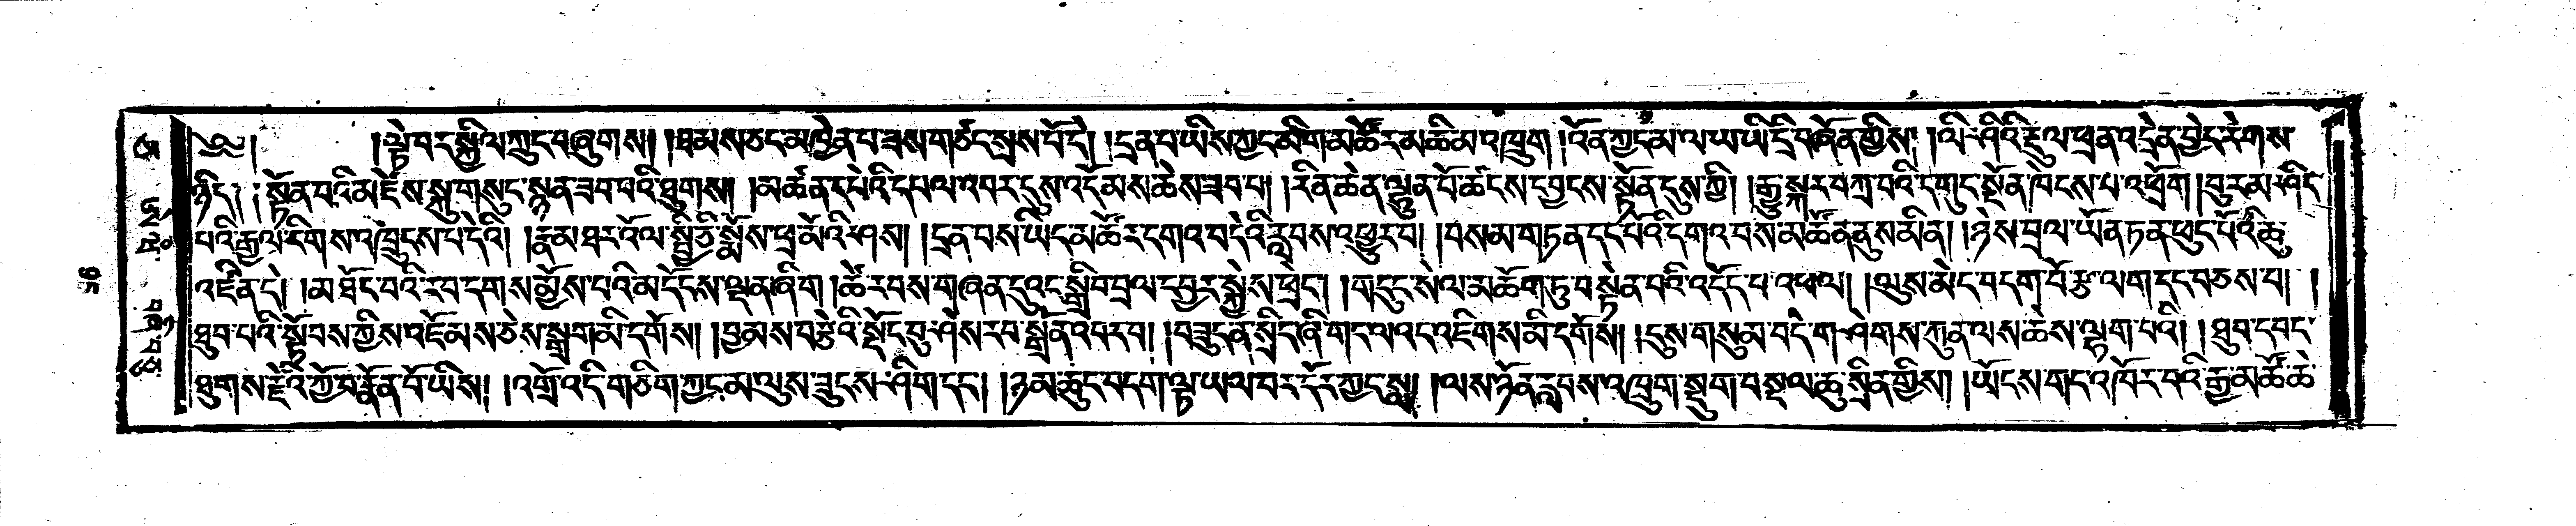༄༅། །ལྟེ་བར་སྐྱིལ་ཀྲུང་བཞུགས། །ཐམས་ཅད་མཁྱེན་པ་ཟས་གཙང་སྲས་པོ་དེ། །དྲན་པ་ཡིས་ཀྱང་མིག་མཚོར་མཆི་མ་འཁྲུག །འོན་ཀྱང་མ་ལ་ཡ་ཡི་དྲི་བཞོན་གྱིས། །ལི་ཤིའི་རྡུལ་ཕྲན་འདྲེན་བྱེད་རེག་པ་
ཉིད། །སྟོན་པའི་མཛེས་སྐུ་གསུང་སྙན་ཟབ་པའི་ཐུགས། །མཚན་དཔེའི་དཔལ་འབར་དུས་འདོམས་ཆེས་ཟབ་པ། །རིན་ཆེན་ལྷུན་པོ་ཚངས་དབྱངས་སྟོན་དུས་ཀྱི། །རྒྱུ་སྐར་བཀྲ་བའི་དགུང་སྔོན་ཁེངས་པ་འཕྲོག །བུ་རམ་ཤིང་
པའི་རྒྱལ་རིགས་འཁྲུངས་པ་དེའི། །རྣམ་ཐར་འོལ་སྤྱི་ཅི་སྨོས་ཕྲ་མོའི་ཤེས། །དྲན་པས་ཡིད་མཚོར་དགའ་བདེའི་རླབས་འཕྱུར་བ། །བསམ་གཏན་དང་པོའི་དགའ་བས་མཚོན་ནུས་མིན། །ཉེས་བྲལ་ཡོན་ཏན་ཕུང་པོའི་ཆུ་
འཛིན་དེ། །མཐོང་བའི་རབ་དགས་མྱོས་པའི་མདོངས་ལྡན་ཞིག །ཚེ་རབས་གཞན་དུའང་སྒྲིབ་བྲལ་དབྱར་སྐྱེས་ཕྲེང་། །གདུང་སེལ་མཆོག་ཏུ་བསྟེན་པའི་འདོད་པ་འཕེལ། །ལུས་མེད་བདག་པོ་རྩ་ལག་དང་བཅས་པ། །
ཐུབ་པའི་སྟོབས་ཀྱིས་འཇོམས་ཅེས་སྒྲག་མི་དགོས། །བྱམས་བརྩེའི་སྡོང་བུ་ཤེས་རབ་སྒྲོན་འབར་བ། །བཟུང་ན་སྲིད་ཞི་གང་ལའང་འཇིགས་མི་དགོས། །དུས་གསུམ་བདེ་གཤེགས་ཀུན་ལས་ཆེས་ལྷག་པའི། །ཐུབ་དབང་
ཐུགས་རྗེའི་ཀྱོ་བ་རྣོན་པོ་ཡིས། །འགྲོ་འདི་གཅིག་ཀྱང་མ་ལུས་ཟུངས་ཤིག་དང་། །ཉམ་ཆུང་བདག་ལྟ་ཡལ་བར་དོར་ཀྱང་སླ། །ལས་ཉོན་རླབས་འཁྲུག་སྡུག་བསྔལ་ཆུ་སྲིན་གྱིས། །ཡོངས་གང་འཁོར་བའི་རྒྱ་མཚོ་ཆེ་